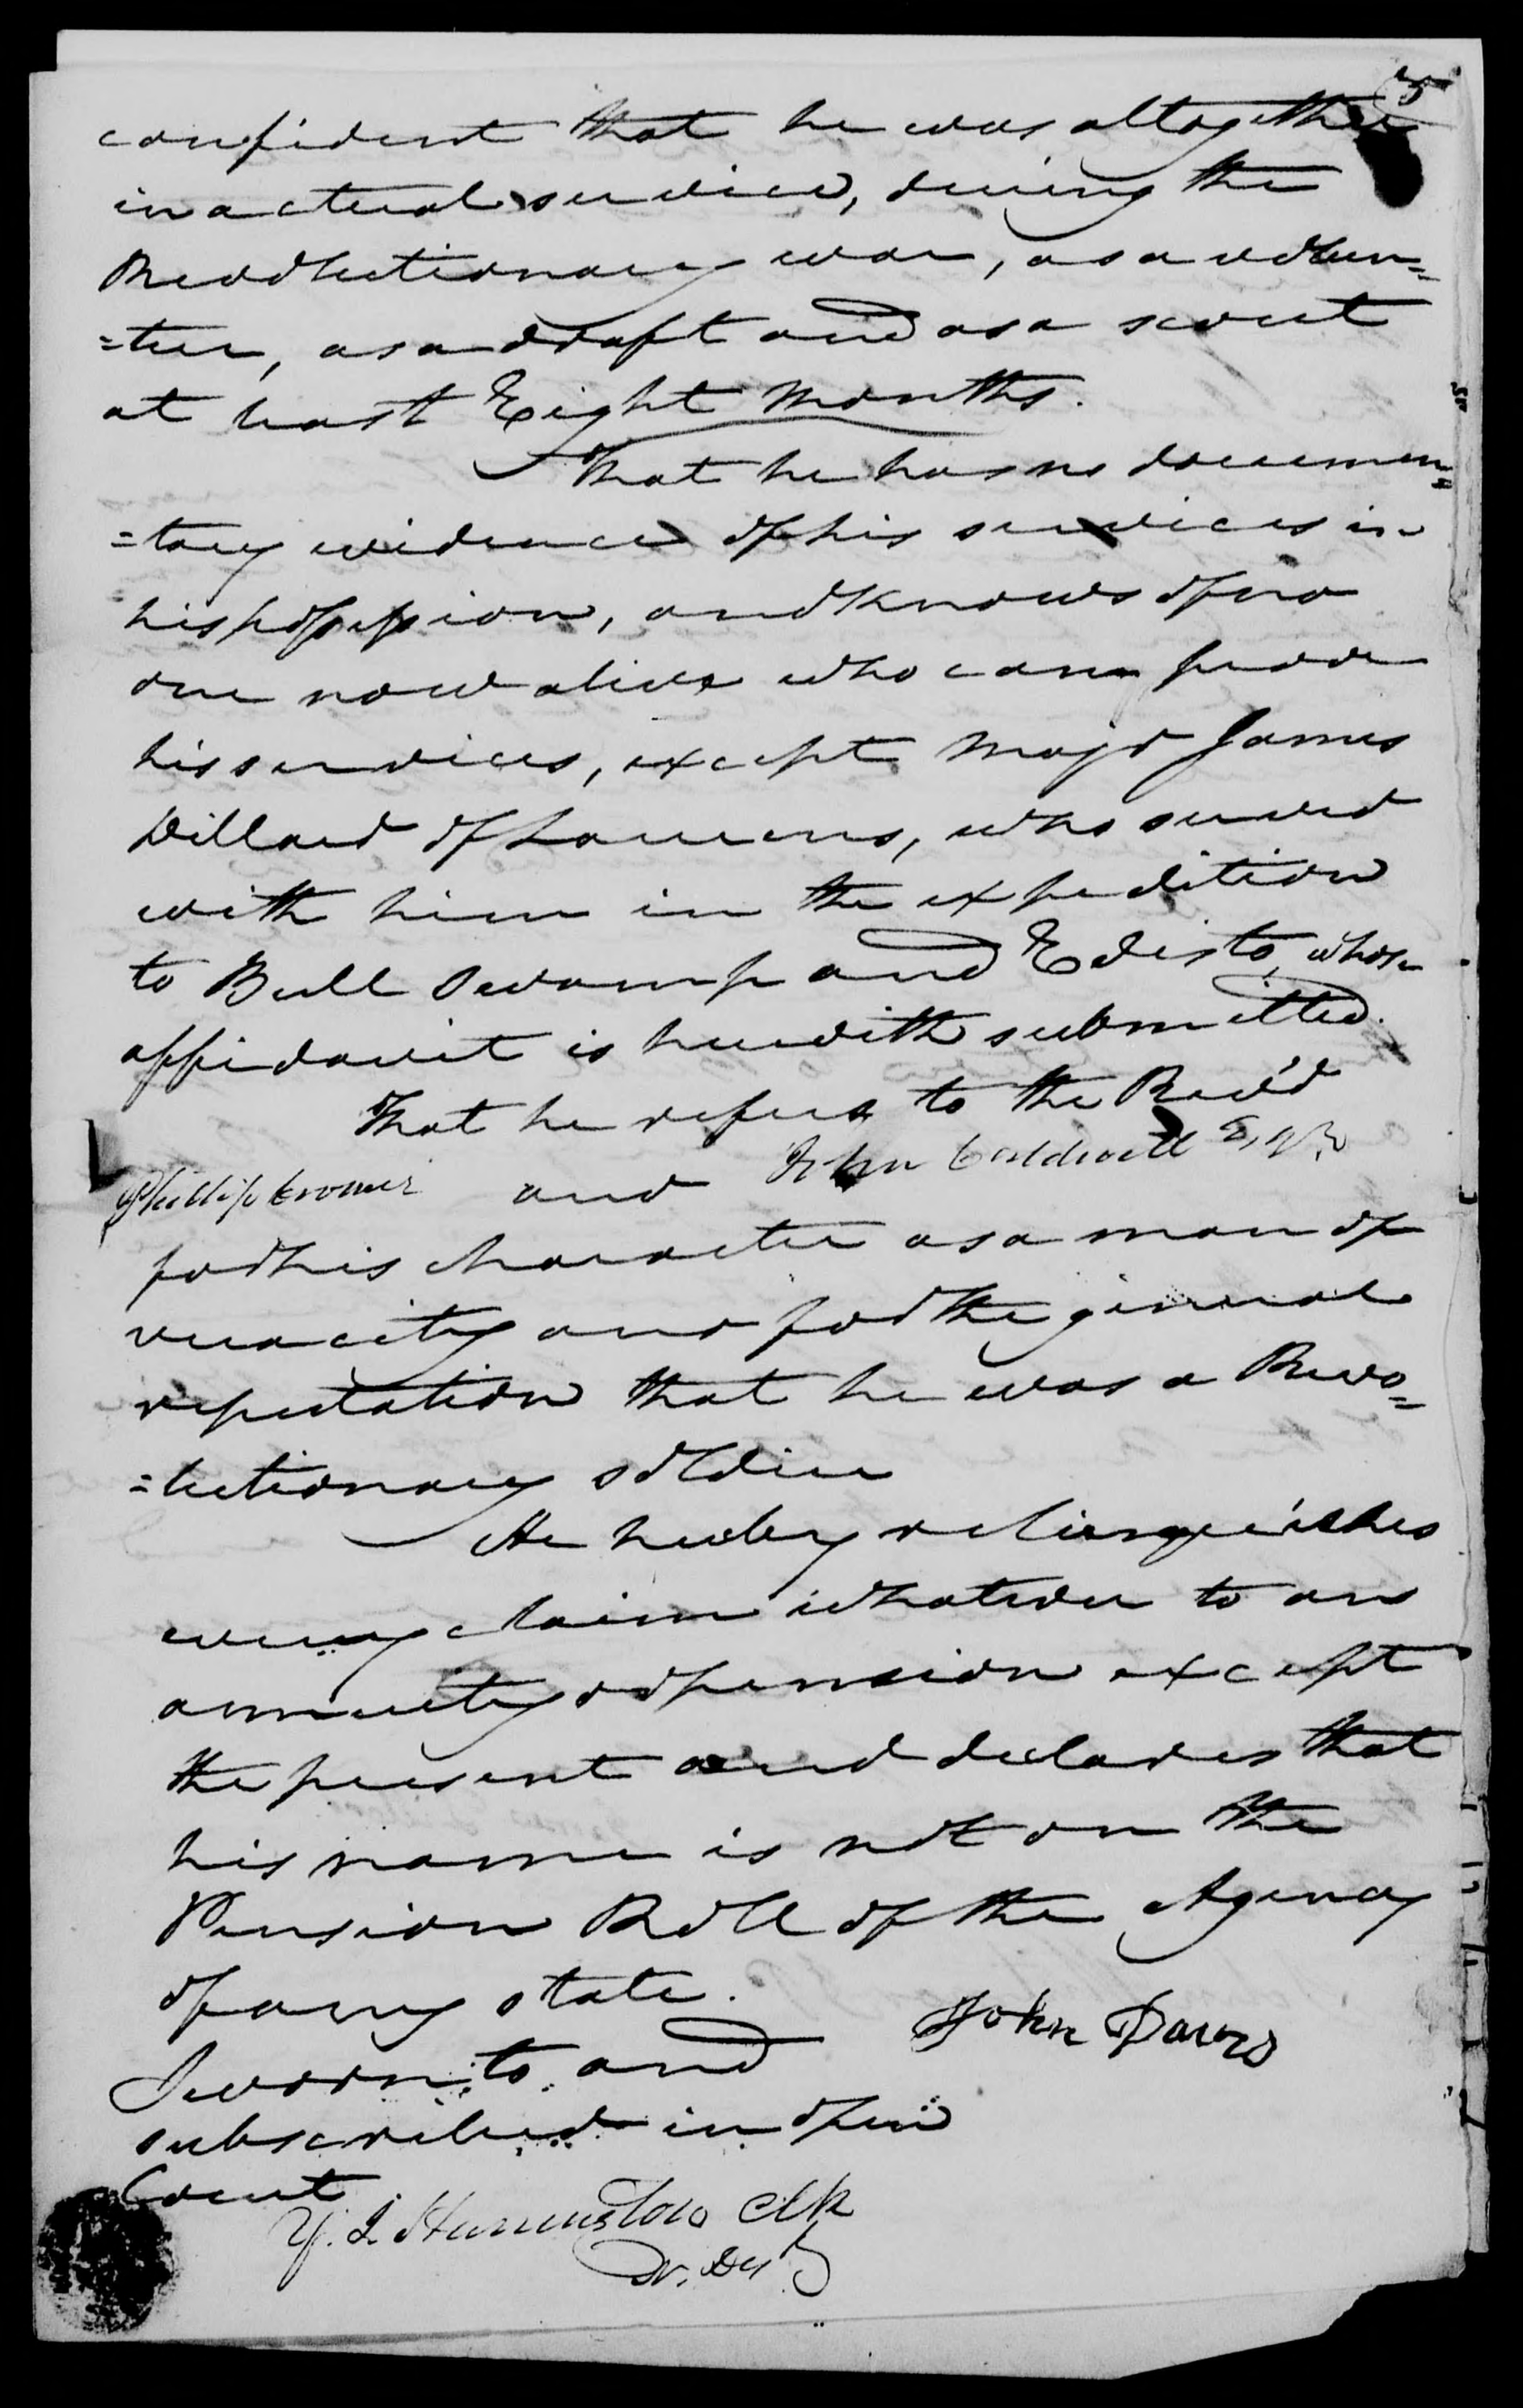confident that he was altogether in actual service during the Revolutionary war as a volunteer as a draft and as a scout at least eight months That he has no documentary evidence of his services in his possession and knows of no one now alive who can prove his services except Major James Dillard of Laurens who served with him in the expedition to Bull Swamp and Edisto whose affidavit is herewith submitted 
That he refers to the Recd Phillip Cromer and John Caldwell Esqr for his character as a man of veracity and for the general reputation that he was a Revolutionary soldier
He hereby relinquishes every claim whatever to an annuity or pension except the present and declares that his name is not on the Pension Roll of the agency of any state John Davis
Sworn to and subscribed in open court
YJ Harrington clk
Sr Depty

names: John Caldwell, Phillip Cromer, James Dillard, John Davis, Y J Harrington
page: 7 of 13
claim: survivor's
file: S. 21,725, John Davis, S.C.